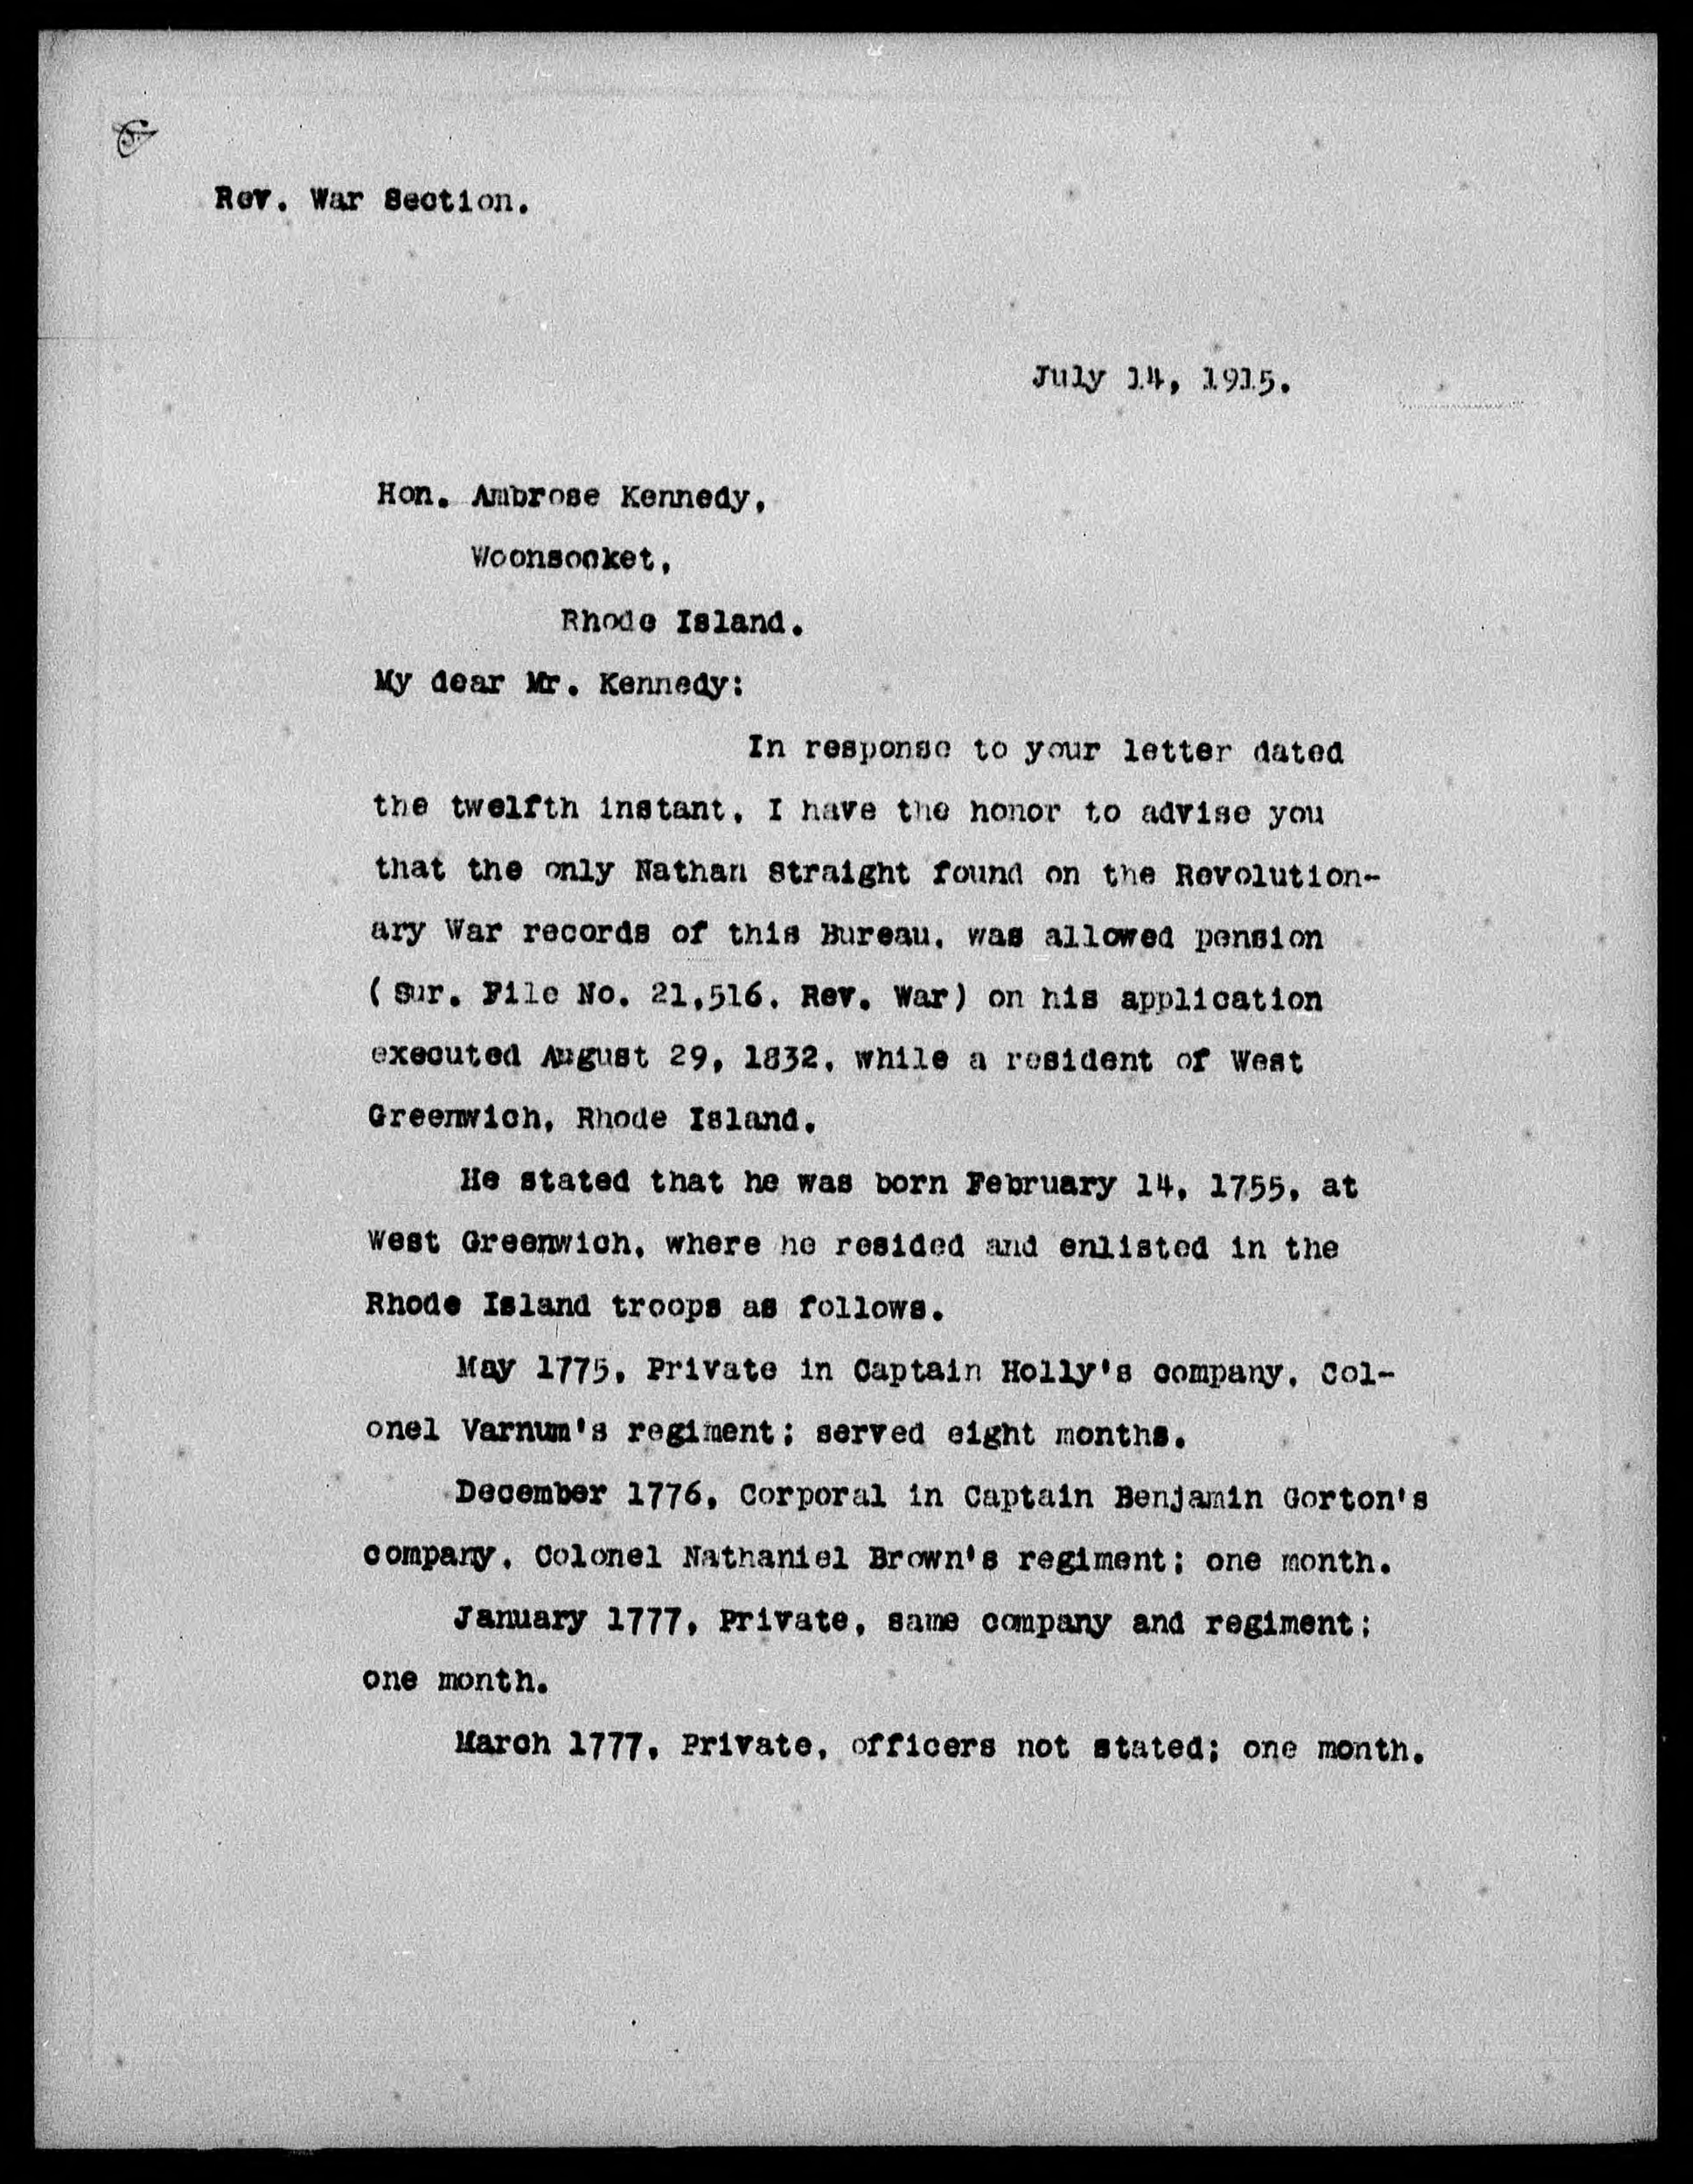Rev. War Section.

July 14, 1915.

Hon. Ambrose Kennedy,
Woonsocket,
Rhode Island.

My dear Mr. Kennedy:

In response to your letter dated the twelfth instant, I have the honor to advise you that the only Nathan Straight found on the Revolutionary War records of this Bureau was allowed pension (Sur. File No.21,516.Rev. War) on his application executed August 29, 1832, while a resident of West Greenwich, Rhode Island.

He stated that he was born February 14, 1755, at West Greenwich, where he resided and enlisted in the Rhode Island troops as follows.

May 1775, Private in Captain Holly's company, Colonel Varnum's regiment: served eight months.

December 1776, Corporal in Captain Benjamin Gorton's company, Colonel Nathaniel Brown's regiment: one month.

January 1777, Private, same company and regiment; one month.

March 1777, Private, officers not stated; one month.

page: 15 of 27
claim: survivor's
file: S. 21,516, for Nathan Straight, Rhode Island